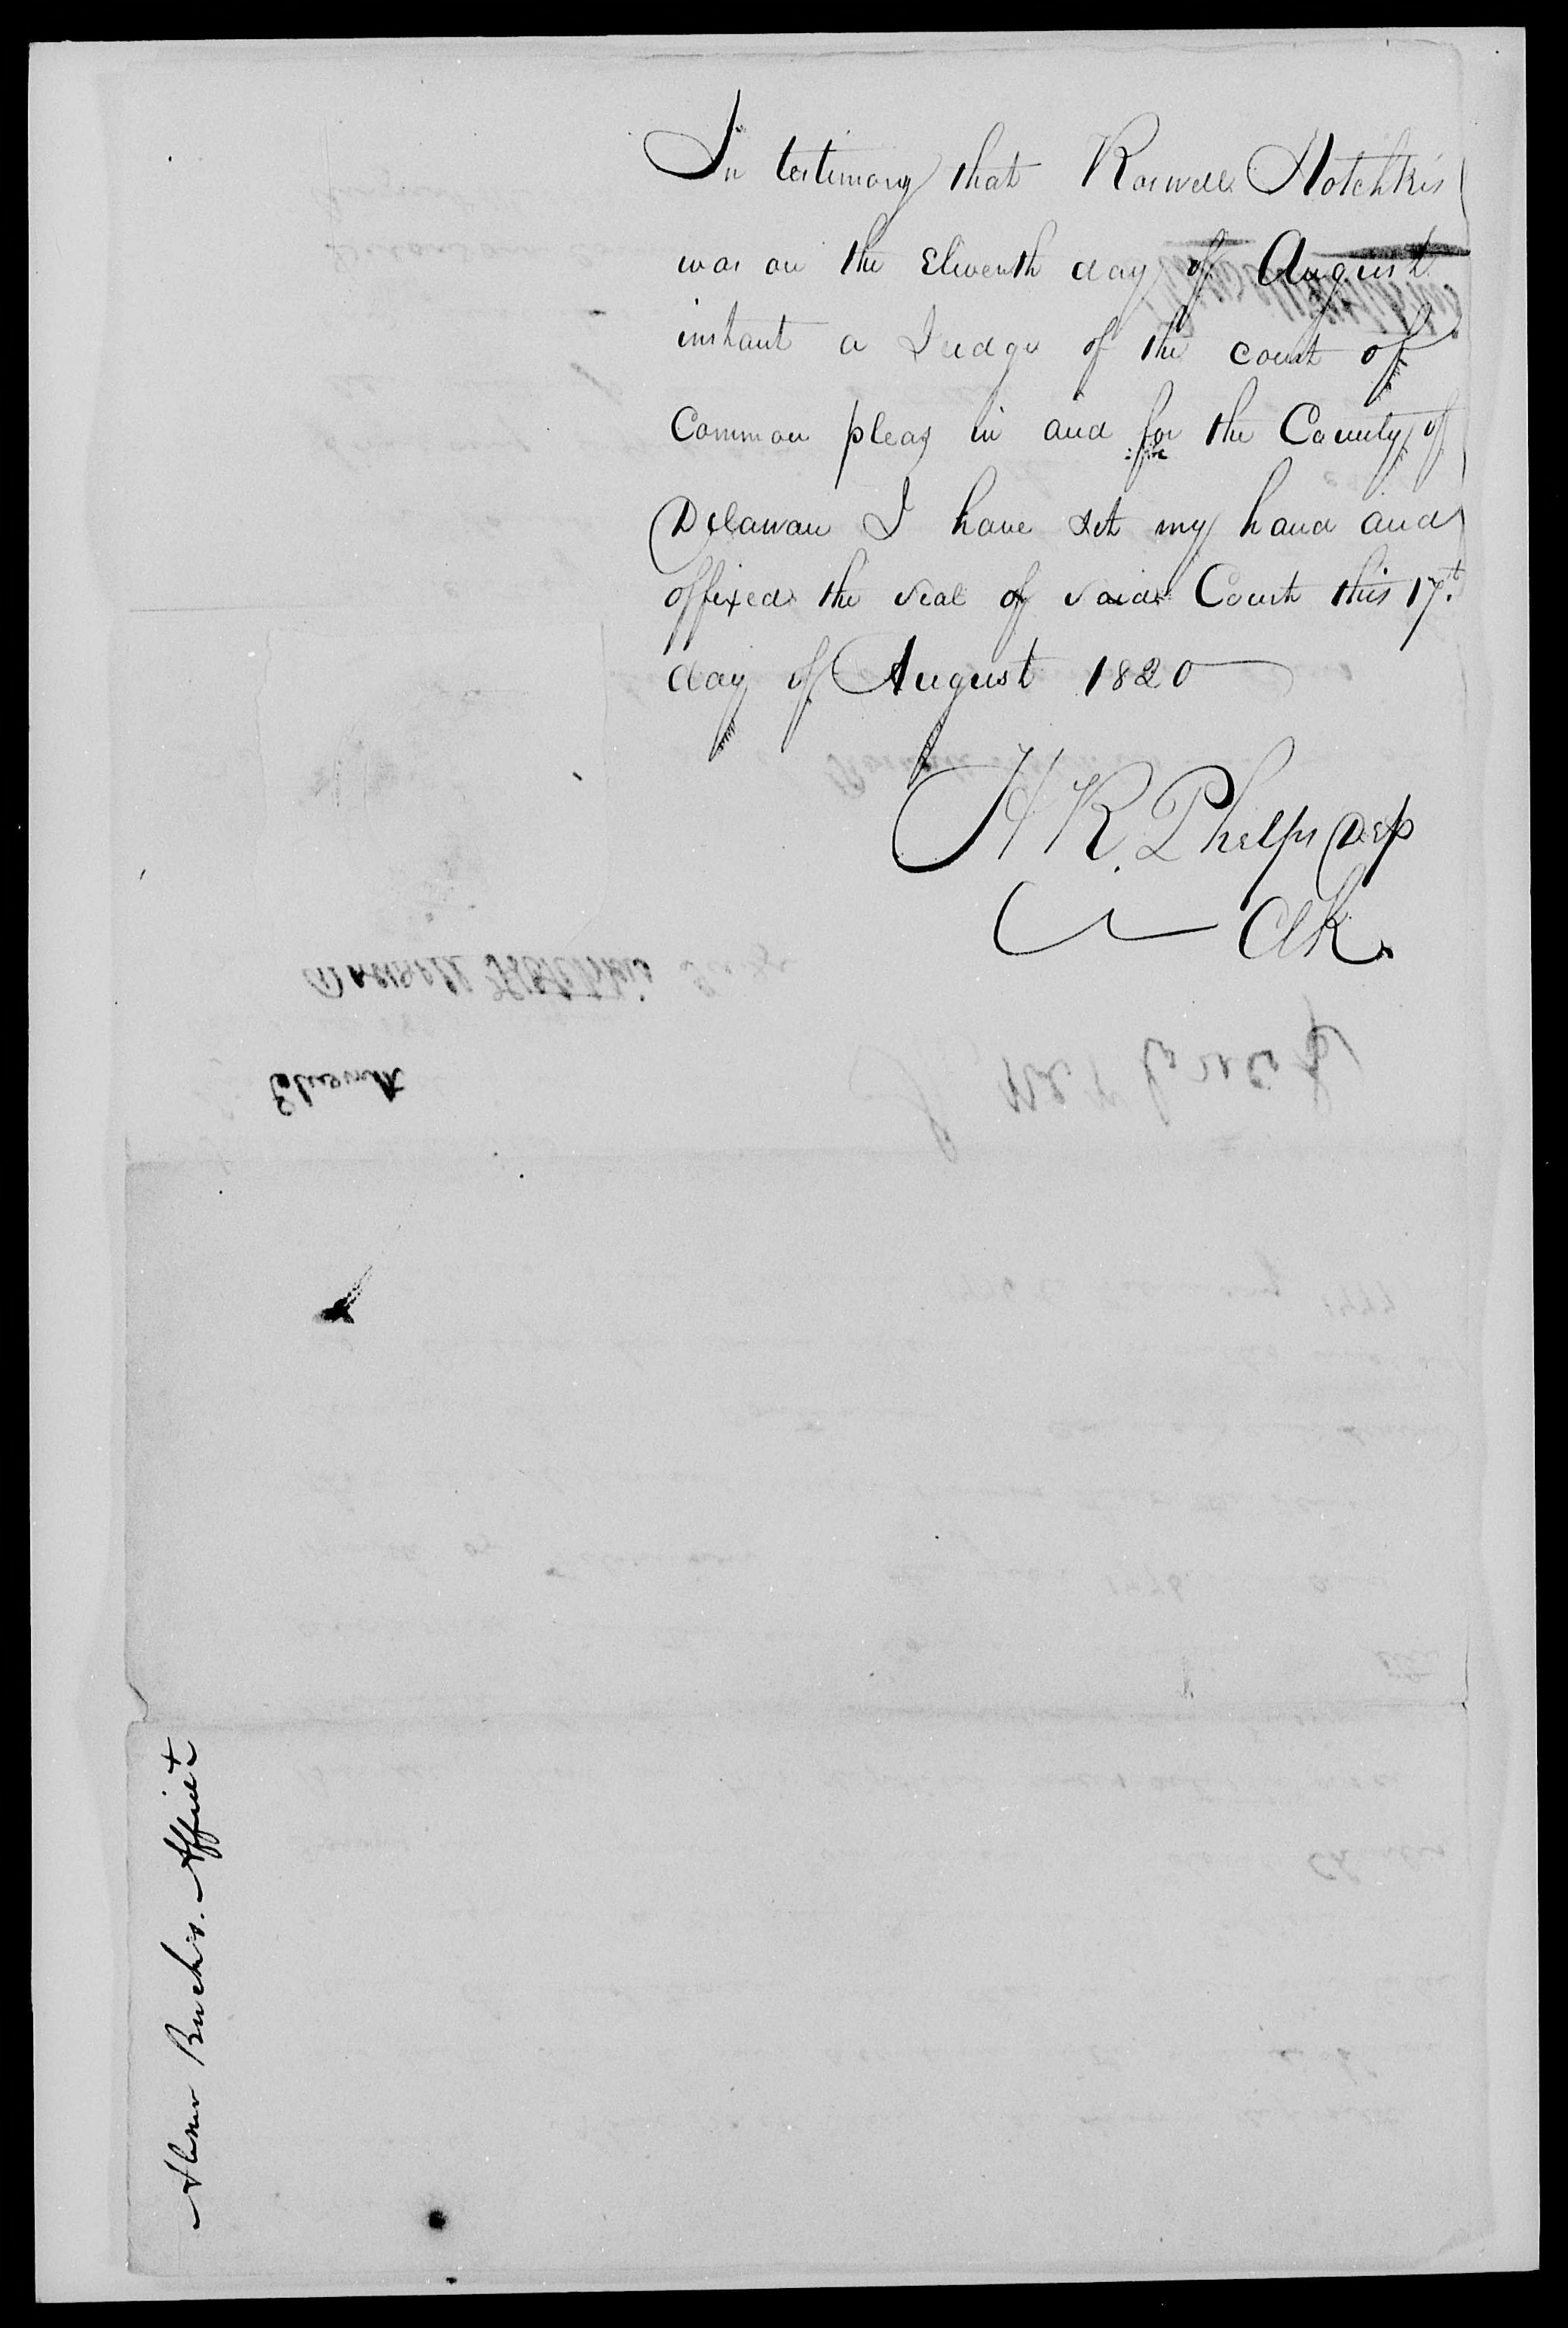Abner Buck’s affidavit.  
In testimony that Roswell Hotchkis was on the Eleventh day of August instant a Judge of the court of Common pleas in and for the County of Delaware.   I have set my hand and affixed the seal of said Court this 17th day of August 1820 
H R Phelps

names: Roswell Hotchkis; H R Phelps; Abner Buck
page: 40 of 43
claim: rejected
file: R. 5655, for Samuel Johnson, Connecticut